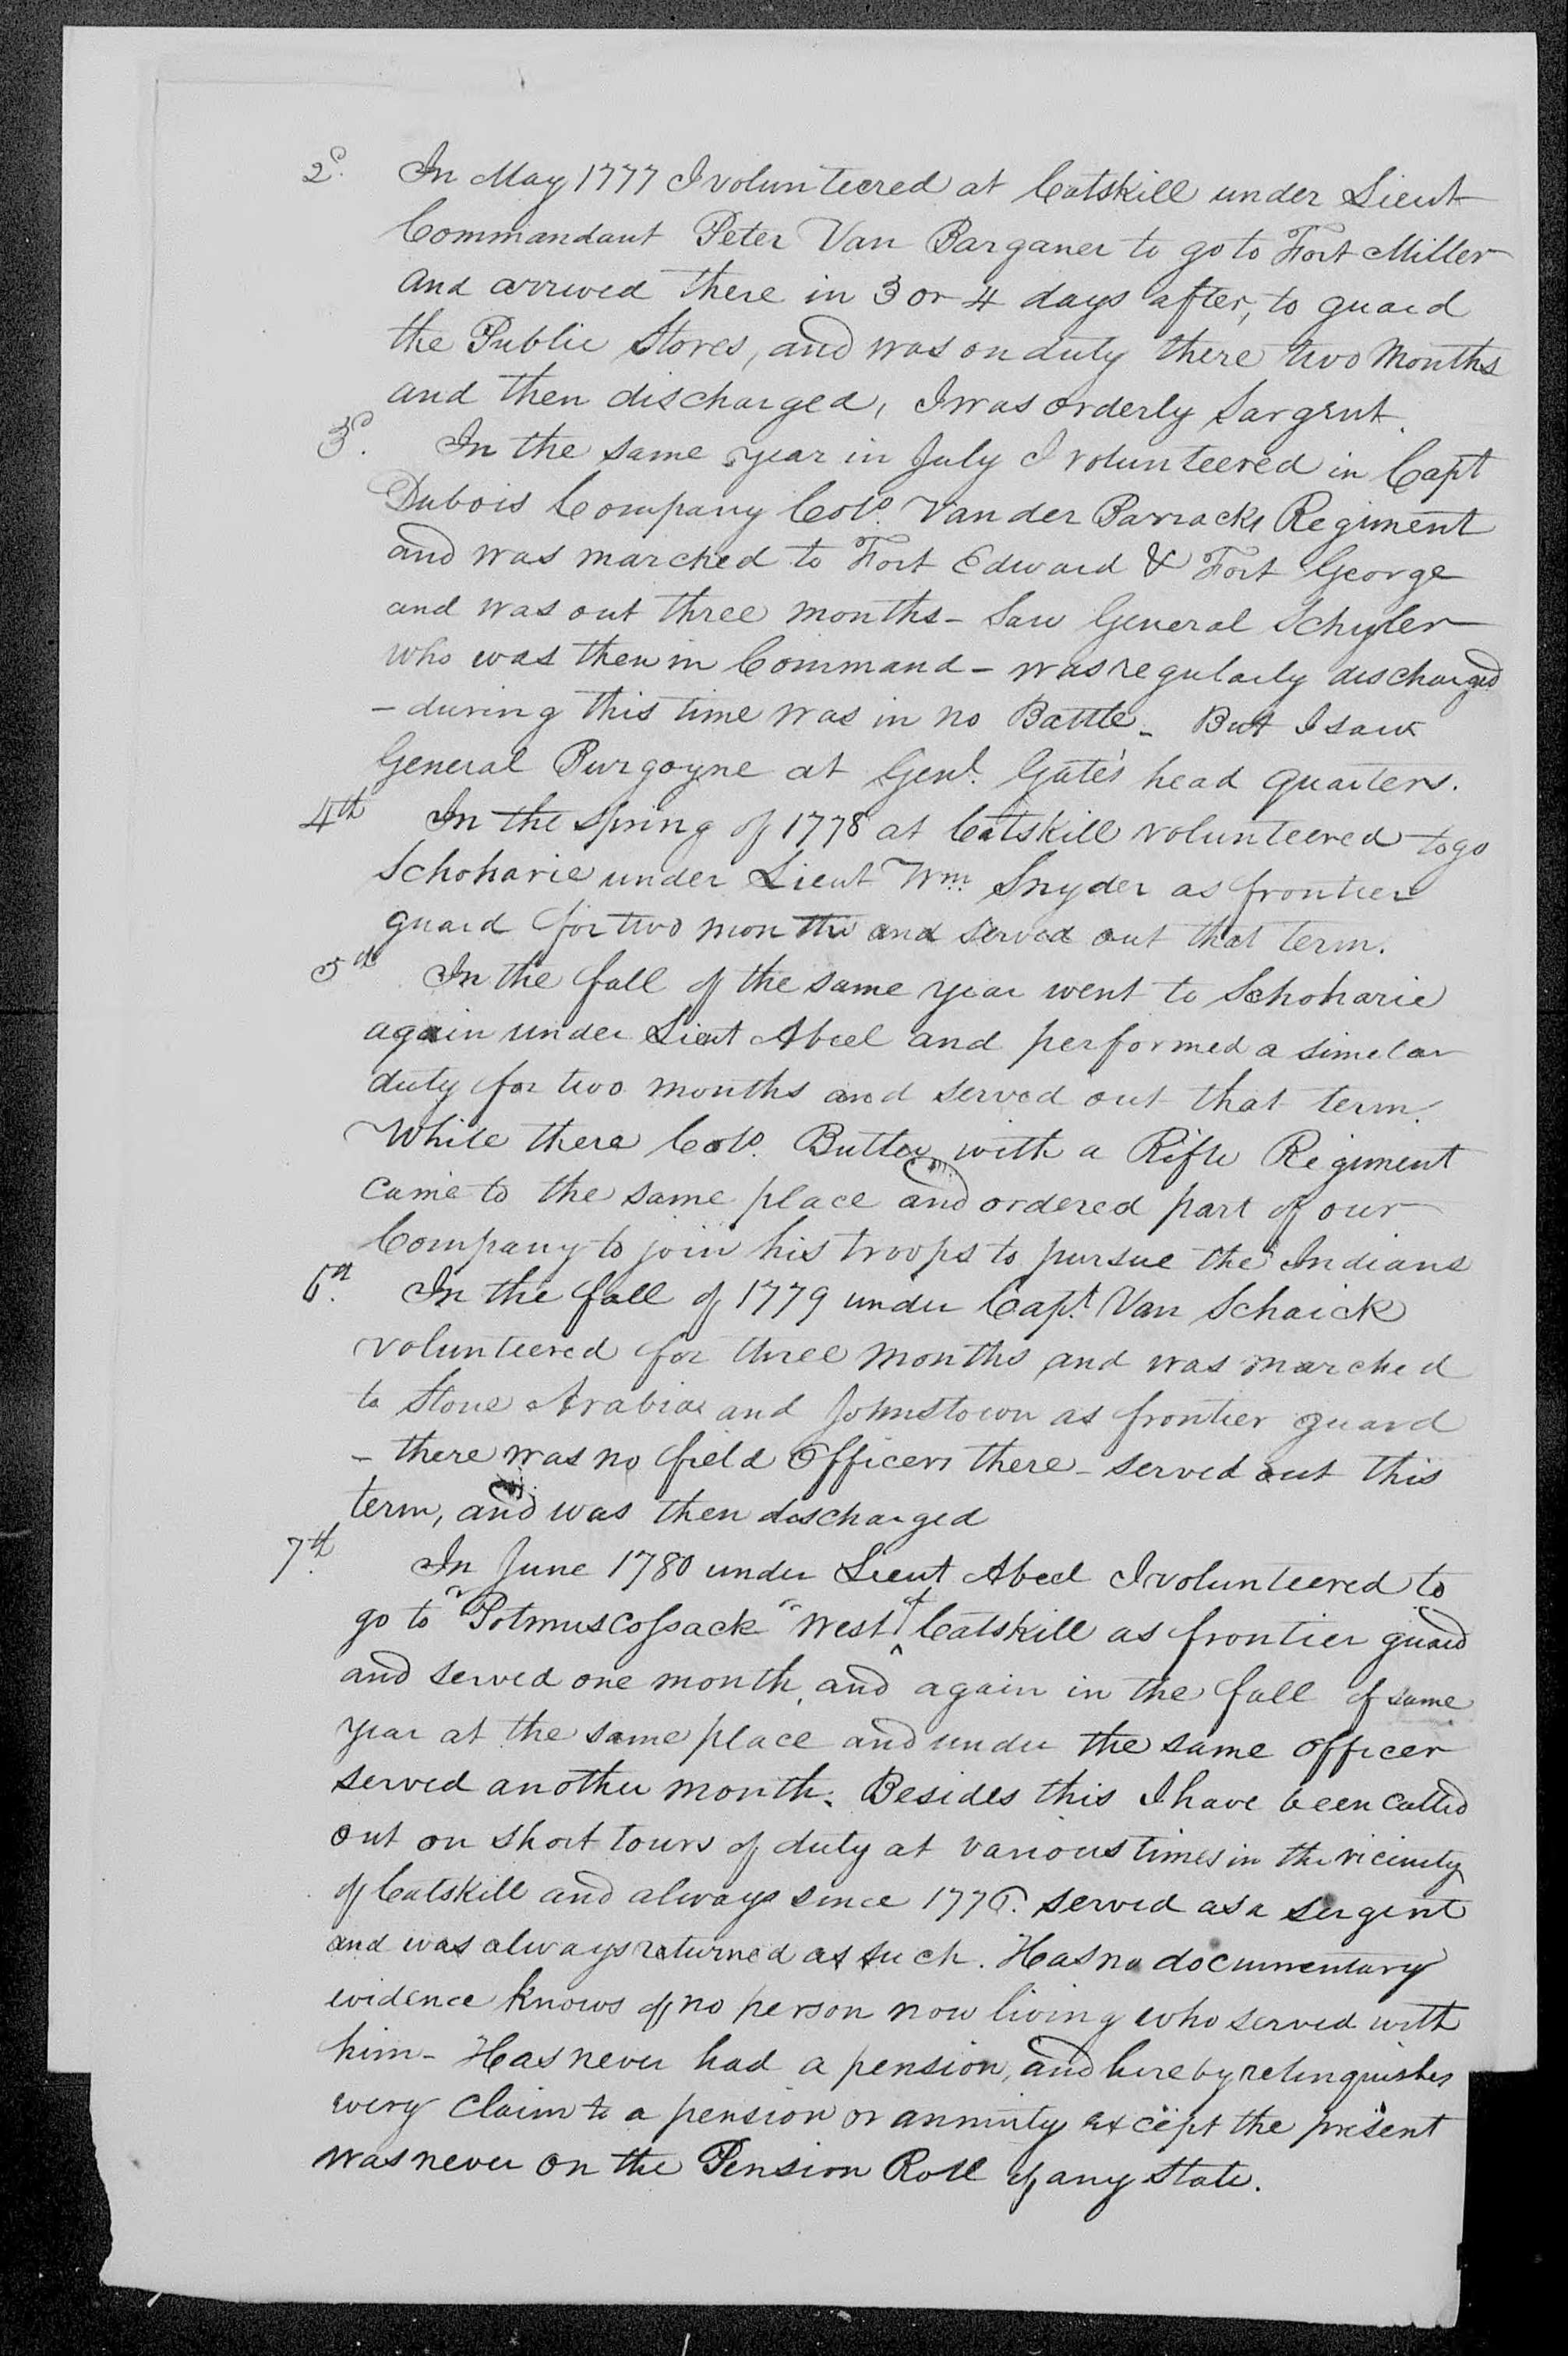2. In May 1777 I volunteered at Catskill under Lieutenant Commandant Peter Van Barganer to go to Fort Miller and arrived there in 3 or 4 days after, to guard the Public Stores, and was on duty there two months and then discharged. I was orderly Sargent.

3. In the same yar in July I volunteered in Captain Dubois Company Colonel Van der Barracks Regiment and was marched to Fort Edward and Fort George and was out three months. Saw General Schyler who was then in Command. Was regulary discharged during this time was in no battle, but I saw General Burgoyne at General Gate's headquarters.

4. In the spring of 1778 at Cataskill volunteered to go Schoharie under Lieutenant William Snyder as frontier guard for two months and served out that term.

5. In the fall of the same year went to Schohaie again under Lieutenant Abel and performed a similar duty for two months and served out that term. While there Colonel Button with a Rifle Regiment came to the same place and ordered part of our company to join his troops to pursue the Indians.

6. In the fall of 1778 under Captain Van Schick volunteered for three months and was marched to Stone Arabia and Johnstown as frontier guard. There was no field officer there. Served out this term, and was then discharged.

7. In June 1780 under Lieutenant Abel I volunteered to go to Potmus cossack west of Catskill as frontier guard and served one month, and again in the fall of same year at the same place and under the same officer served another month. Besides this I have been called out on short tours of duty at various times in the vicinity of Catskill and always since 1776. Served as a sergent and was always returned as such. Has no documentary evidence. Knows ofn o person no living who served with him. Has never had  a pension and hereby relinquished every claim to a pension or annuity except the present. Was never on the Pension Roll of any state.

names: Butter, Schyler, Abeel, Wm Snyder, Peter Van Barganer, Burgoyne, Van Schaick, Abeel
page: 6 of 12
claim: survivor's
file: S. 23,528, Jacob Barkman, New York